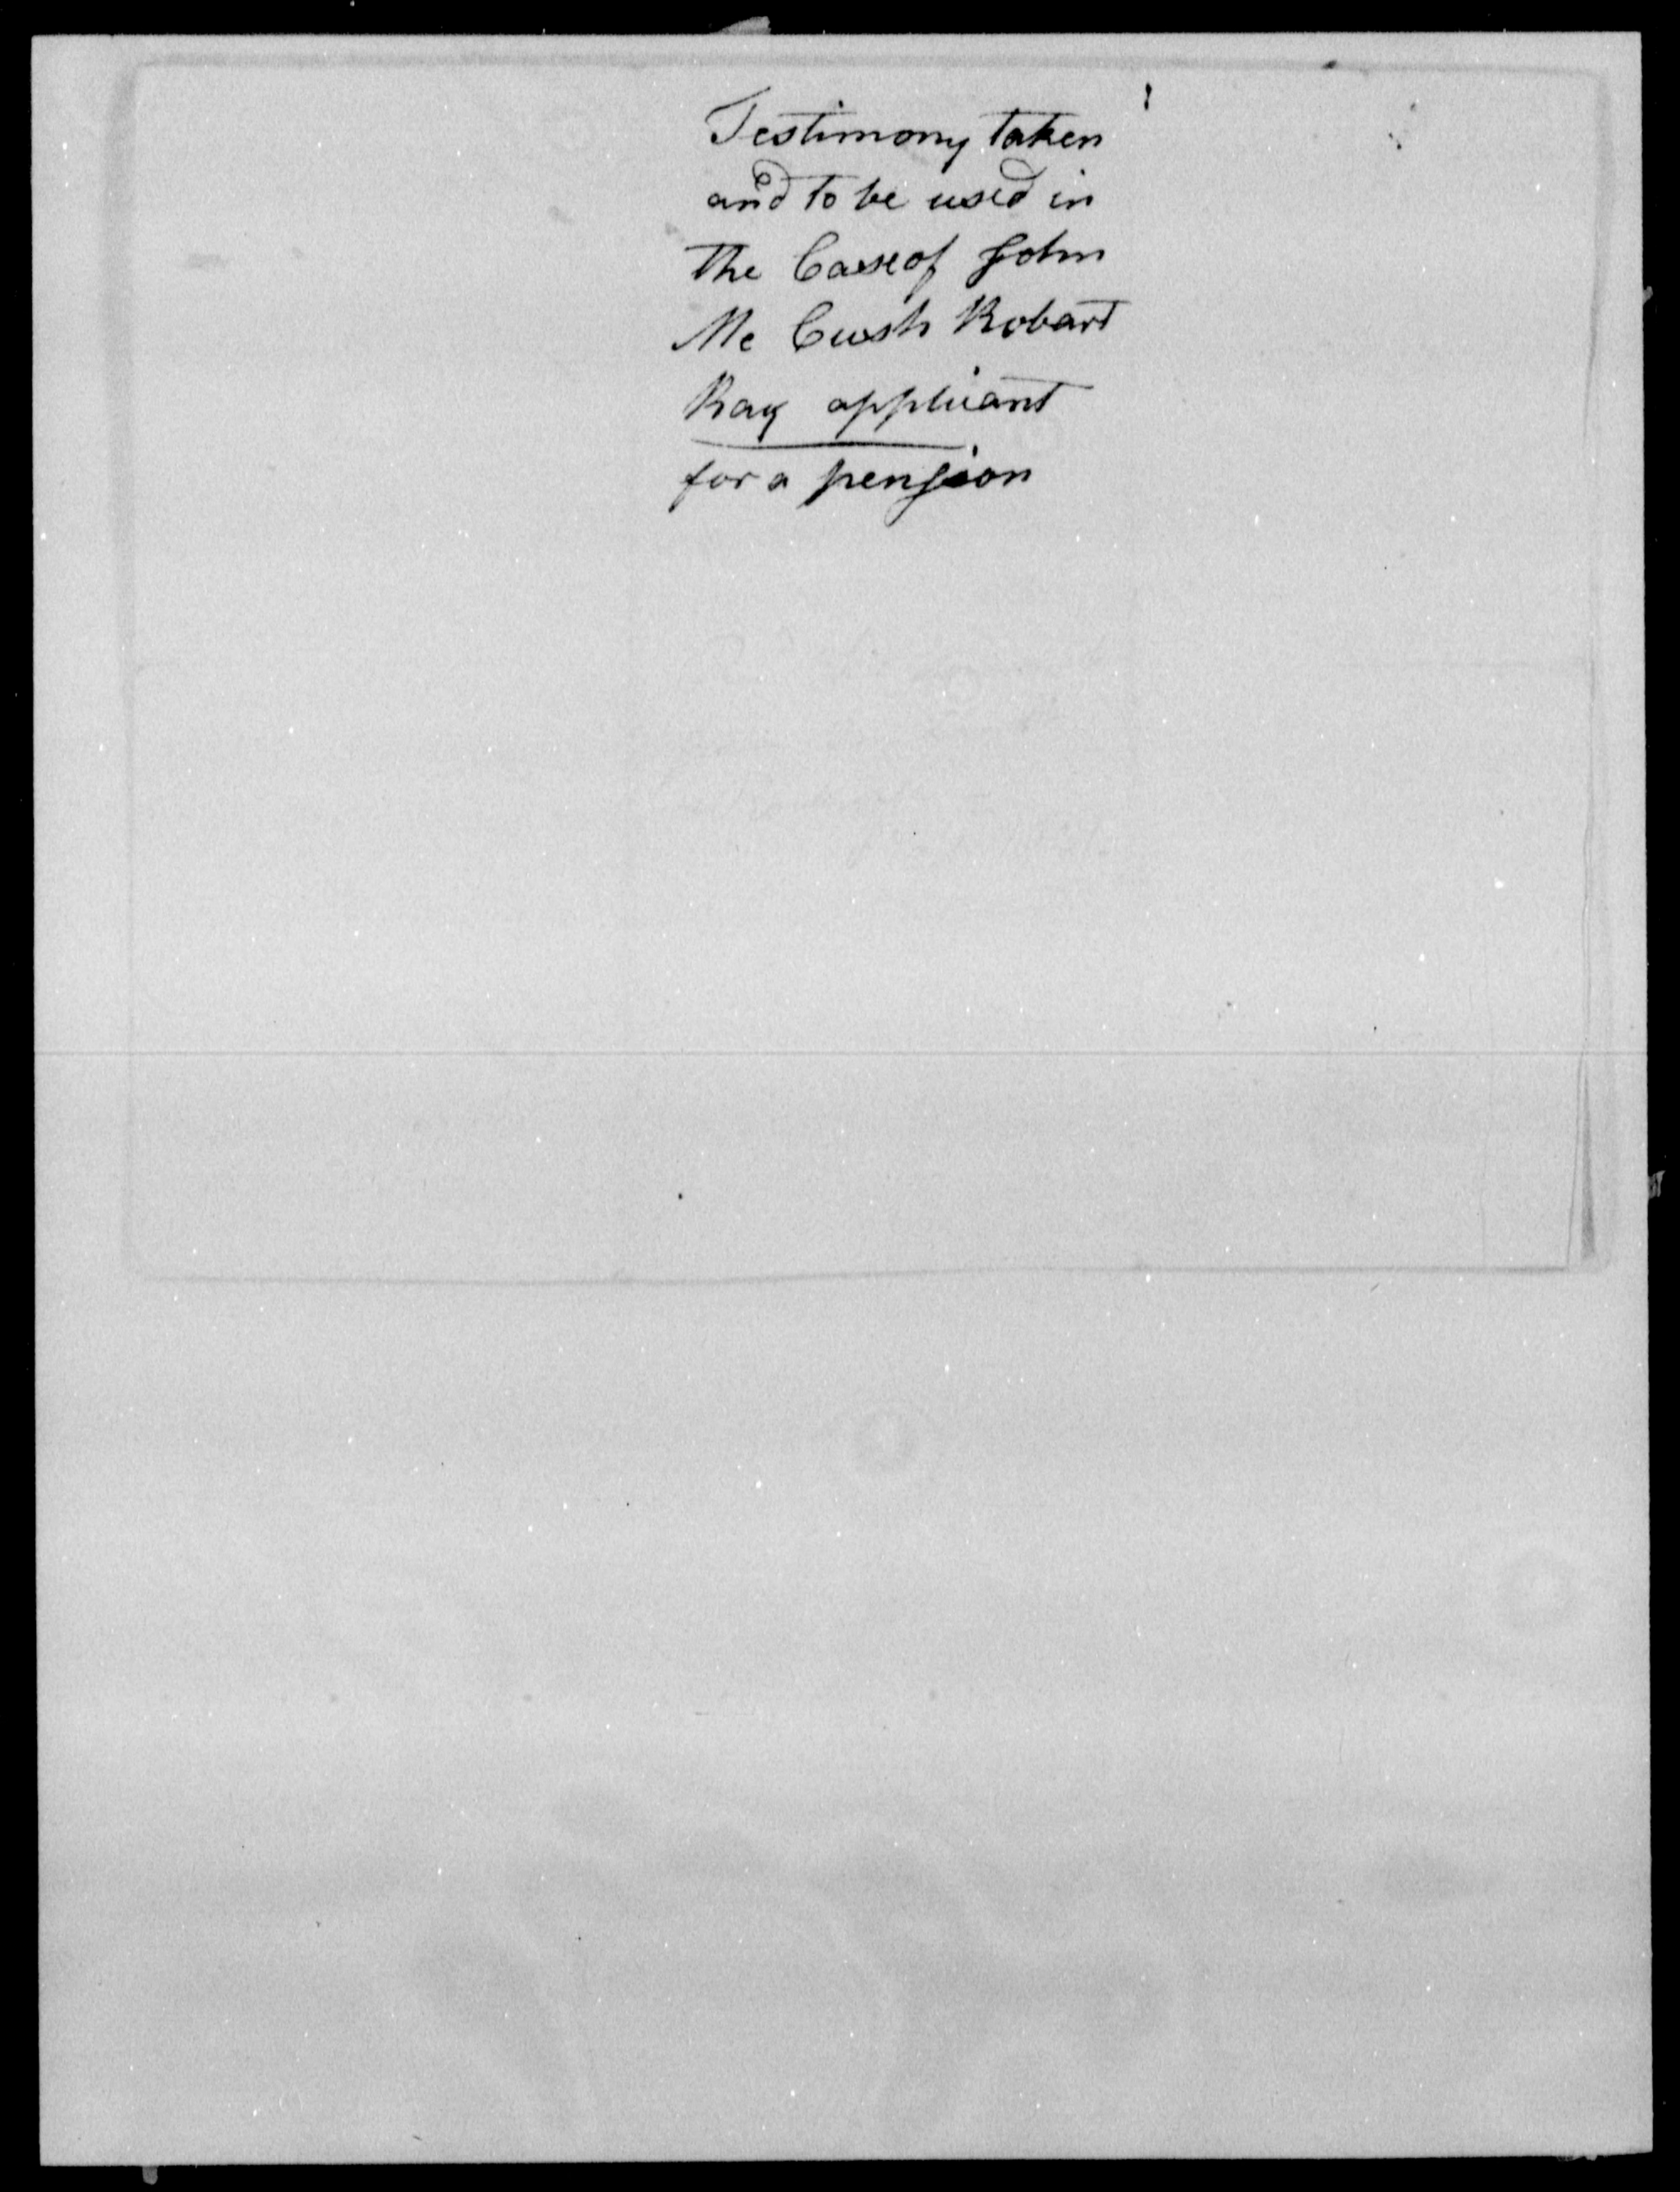Testimony taken and to be used in the Case of John McCush Robart Ray applicant for a pension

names: John Mc Cush; Robart Ray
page: 16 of 20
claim: survivor's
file: S. 40,990, for John Mc Cush Robert Ray, Pennsylvania